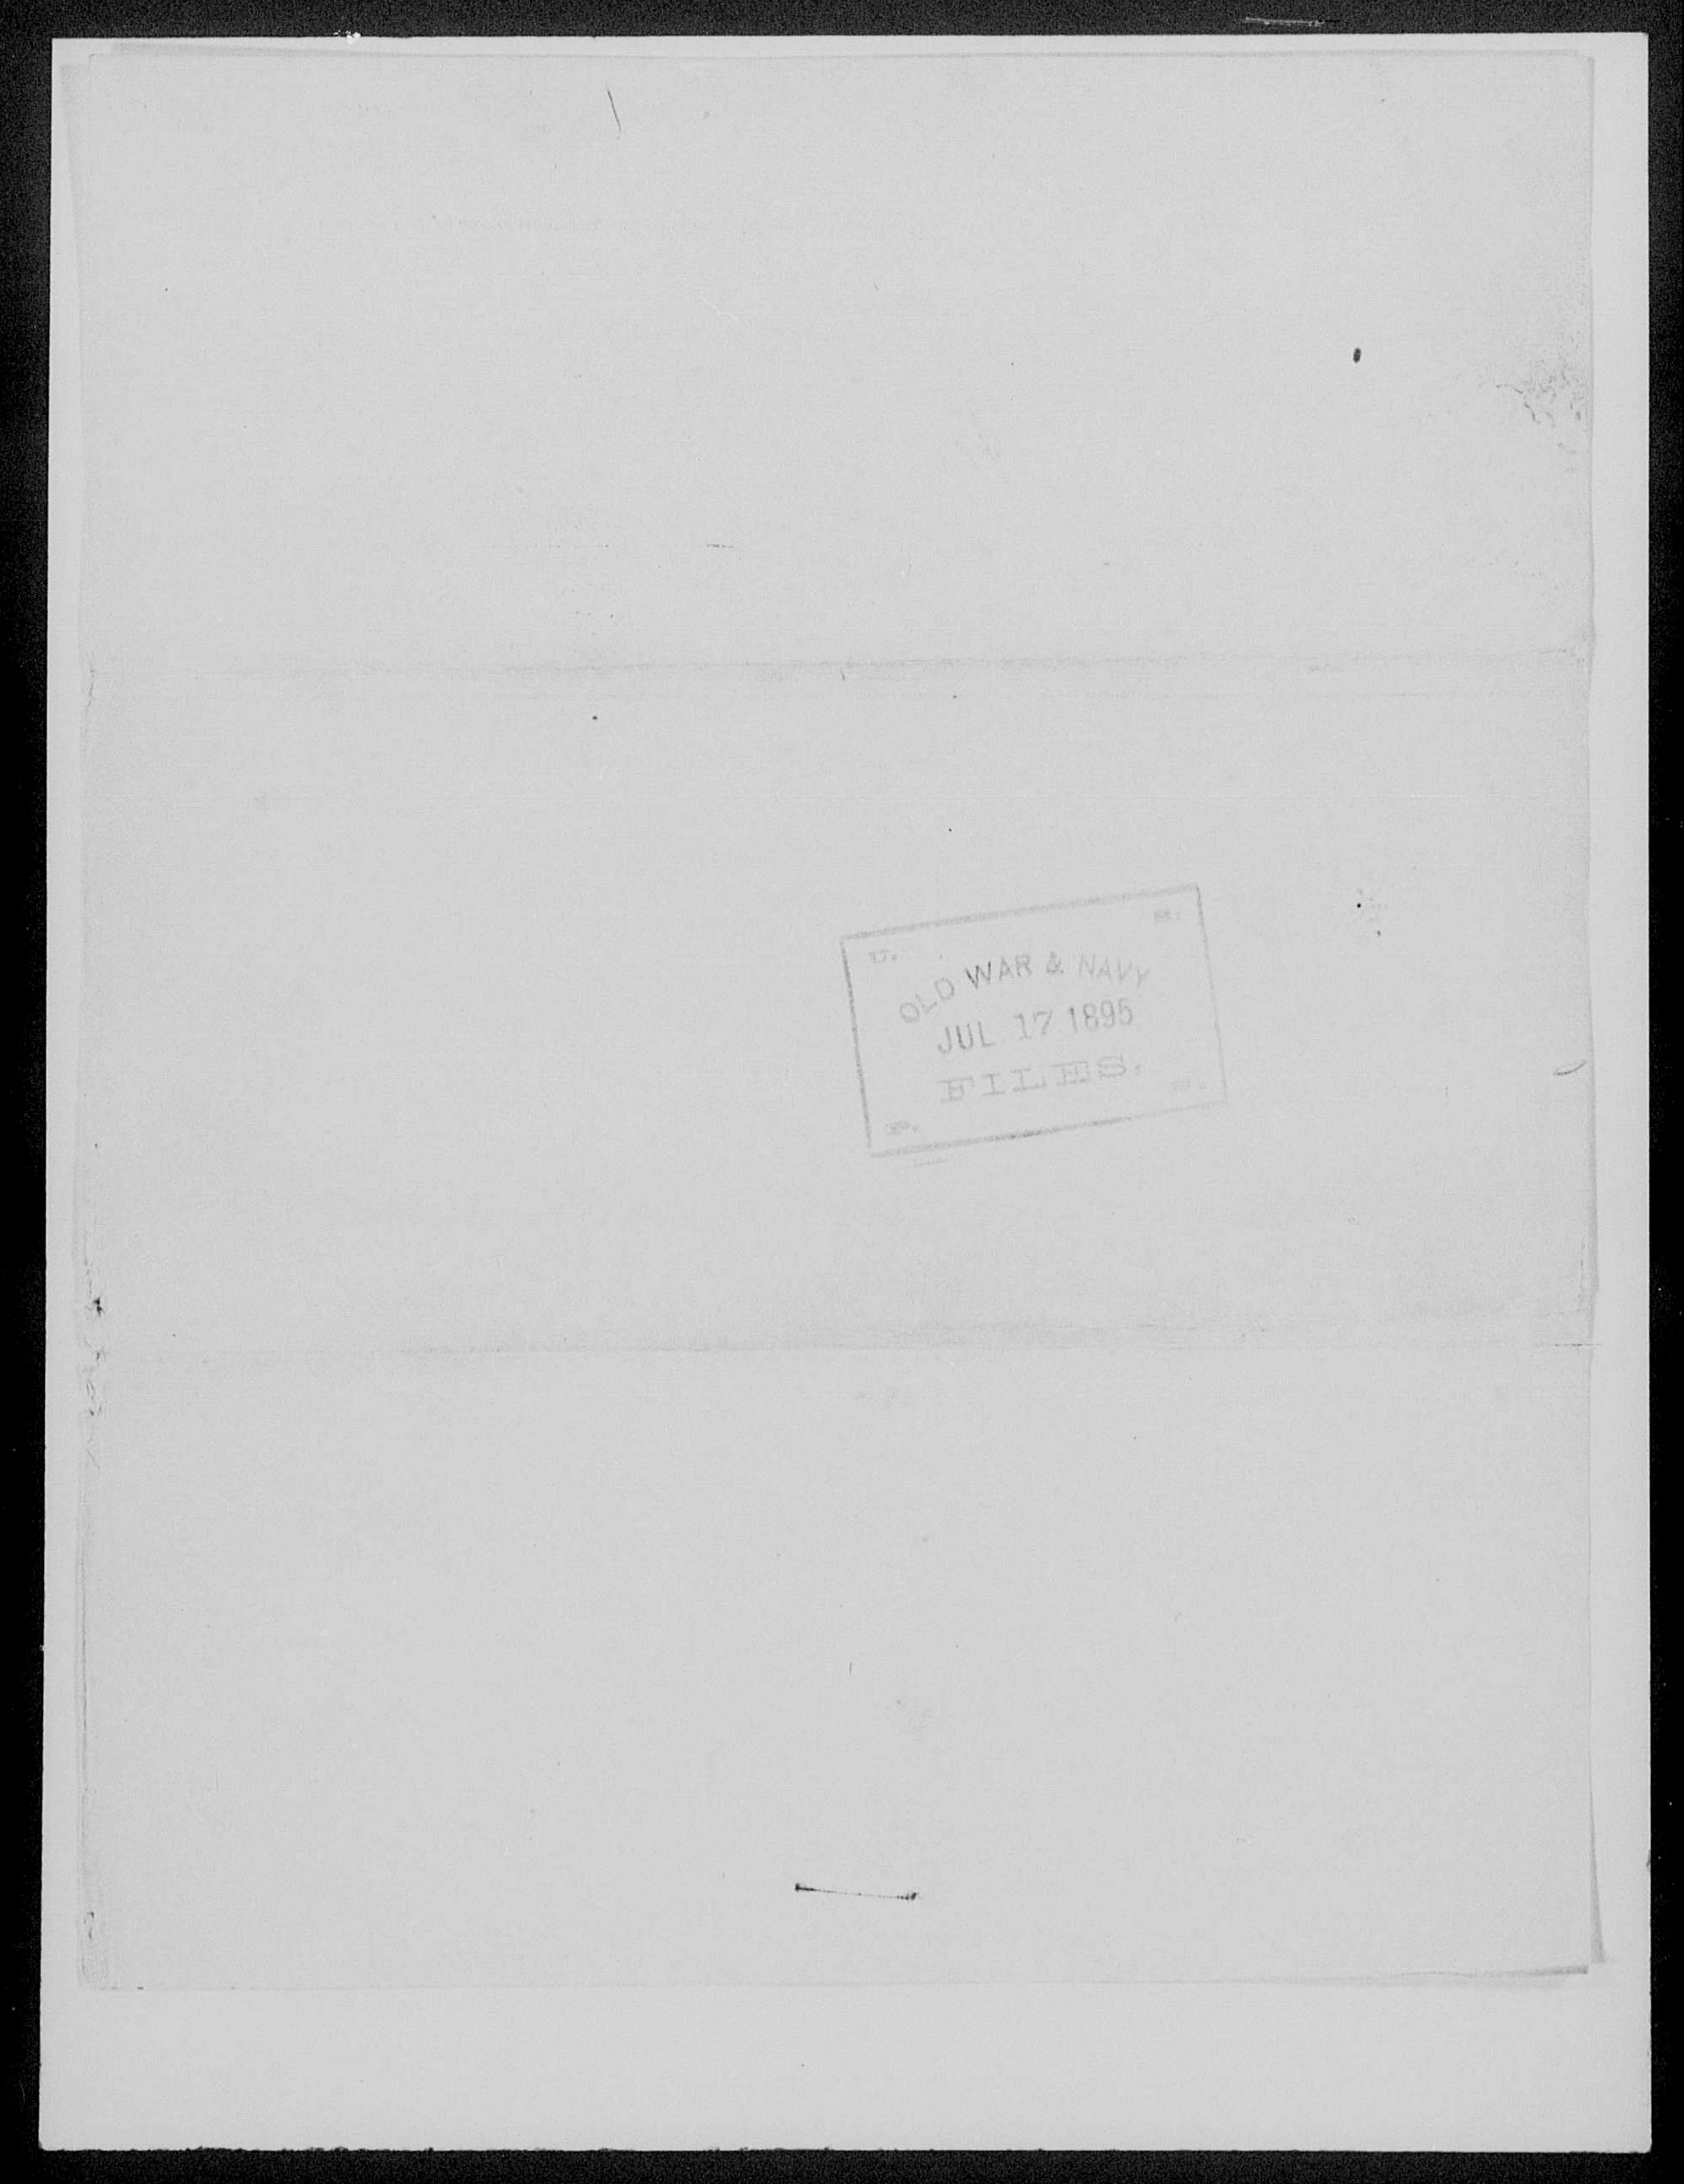[Stamp imprintOLD WAR & NAVY
July 17 1895
FILES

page: 16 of 56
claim: survivor's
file: S. 40,055, Samuel Downing, N.H.